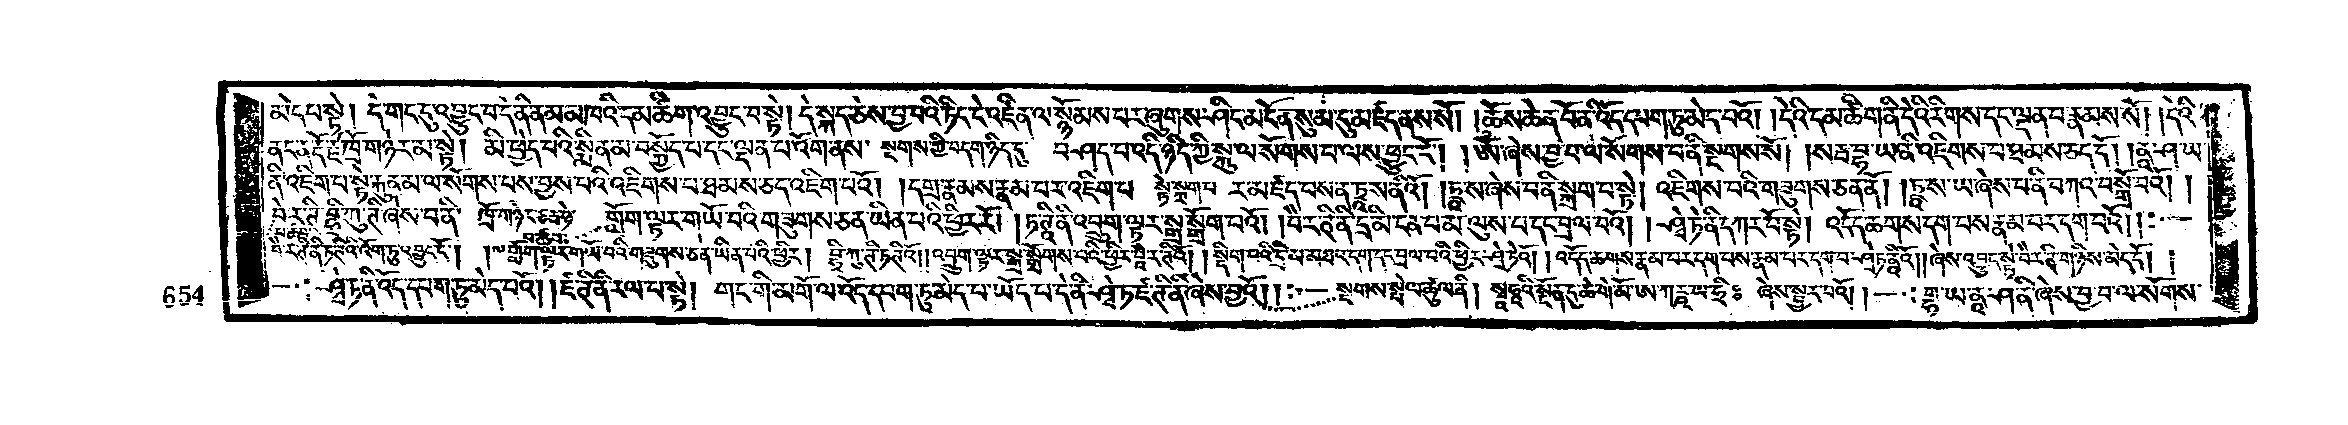མེད་པ་སྟེ། དེ་གང་དུ་འབྱུང་བ་དེ་ནི་ནམ་མཁའི་དམ་ཚིག་འབྱུང་བ་སྟེ། དེ་སྐད་ཅེས་བྱ་བའི་ཏིང་ངེ་འཛིན་ལ་སྙོམས་པར་ཞུགས་ཤིང་མངོན་སུམ་དུ་མཛད་ནས་སོ། །ཆོས་ཆེན་པོ་ནི་འོད་དཔག་ཏུ་མེད་པའོ། །དེའི་དམ་ཚིག་ནི་དེའི་རིགས་དང་ལྡན་པ་རྣམས་སོ། །དེའི་
ནང་ན་རྡོ་རྗེ་ཁྲོ་གཉེར་མ་སྟེ། མི་ཕྱེད་པའི་སྨིན་མ་བསྐྱོད་པ་དང་ལྡན་པ་འོག་ནས་སྔགས་ཀྱི་བདག་ཉིད་དུ་བཤད་པ་འདི་ཉིད་ཀྱི་སྐུ་ལ་སོགས་པ་ལས་ཕྱུང་ངོ། །ཨོཾ་ཞེས་བྱ་བ་ལ་སོགས་པ་ནི་སྔགས་སོ། །སརྦ་བྷ་ཡ་ནི་འཇིགས་པ་ཐམས་ཅད་དོ། །ནཱ་ཤ་ཡ་
ནི་འཇིག་པ་སྟེ་རྐུན་མ་ལ་སོགས་པས་བྱས་པའི་འཇིགས་པ་ཐམས་ཅད་འཇིག་པའོ། །དགྲ་རྣམས་རྣམ་པར་འཇིག་པ་སྟེ་སྐྲག་པར་མཛད་པས་ན་དྲཱ་ས་ནིའོ། །ཏྲཱ་ས་ཞེས་པ་ནི་སྐྲག་པ་སྟེ། འཇིགས་པའི་གཟུགས་ཅན་ནོ། །ཏྲཱ་ས་ཡེ་ཞེས་པ་ནི་བཀའ་བསྒོ་བའོ། །
བེར་ཊི་བྷྲི་ཀུ་ཊི་ཞེས་པ་ནི་ཁྲོ་གཉེར་ཅན་ཏེ་གློག་ལྟར་གཡོ་བའི་གཟུགས་ཅན་ཡིན་པའི་ཕྱིར་རོ། །ཏ་ཊཱི་ནི་འབྲུག་ལྟར་སྒྲ་སྒྲོག་པའོ། །བཻ་ར་ཊི་ནི་དྲི་མི་ངན་པ་མ་ལུས་པ་དང་བྲལ་བའོ། །ཤྭེ་ཏེ་ནི་དཀར་བོ་སྟེ། འདོད་ཆགས་དག་པས་རྣམ་པར་དག་པའོ། །H.
རྚི་ནི་ཊ་ཏྚའི་འོག་ཏུ་འབྱུང་ངོ་?། །༧གློག་ལྟར་ག་མོ་བའི་གཟུགས་ཅན་ཡིན་པའི་ཕྱིར། བྷྲི་ཀུ་ཊི་ཏ་ཊིའོ། །འབྲུག་ལྟར་སྒྲ་སྒྲོགས་པའི་ཕྱིར་བཱིཨི་ར་ཊིའོ། །སྡིག་པའི་དྲི་མ་མཐའ་དག་དང་བྲལ་བའི་ཕྱིར་ཤྭེ་ཏའོ། །འདོད་ཆགས་རྣམ་པར་དག་པས་རྣམ་པར་དག་པ་ཤྲེཊ་ནཱིའོ། །ཞེས་འབྱུང་སྟེ་བཻ་ར་ཊི་གཉིས་མེད་དོ། །
.H ཤྭེ་ཏ་ནི་འོད་དཔག་ཏུ་མེད་པའོ། །ཛ་ཊི་ནི་རལ་པ་སྟེ། གང་གི་མགོ་ལ་འོད་དཔག་ཏུ་མེད་པ་ཡོད་པ་དེ་ནི་ཤྭེ་ཏ་ཛ་ཊི་ནི་ཞེས་བྱའོ། །H.་སྔགས་སྤེལ་ཚུལ་ནི། སྭཱ་ཧཱའི་སྔོན་དུ་ཆེ་གེ་མོ་ཨ་ཀརྵ་ཡ་ཧྲིཿ ཞེས་སྦྱར་བའོ། ། .H བྷ་ཡ་ནཱ་ཤ་ནི་ཞེས་བྱ་བ་ལ་སོགས་